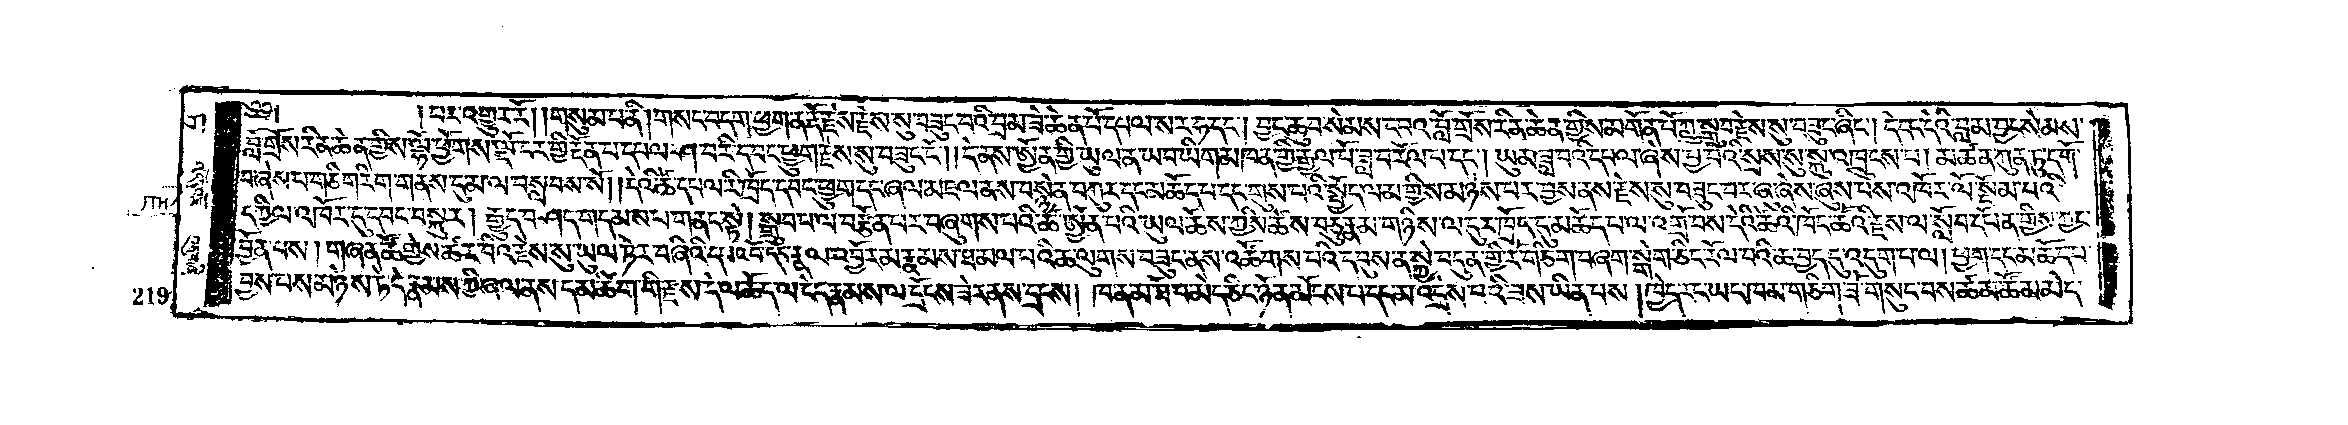༄༅། །པར་འགྱུར་རོ། །གསུམ་པ་ནི། གསང་བདག་ཕྱག་ན་རྡོ་རྗེས་རྗེས་སུ་བཟུང་བའི་བྲམ་ཟེ་ཆེན་པོ་དཔལ་ས་ར་ཧ་དང་། བྱང་ཆུབ་སེམས་དཔའ་བློ་གྲོས་རིན་ཆེན་གྱིས་མགོན་པོ་ཀླུ་སྒྲུབ་རྗེས་སུ་བཟུང་ཞིང་། དེ་དང་དེའི་བླ་མ་བྱང་སེམས་
བློ་གྲོས་རིན་ཆེན་གྱིས་ལྷོ་ཕྱོགས་ལྡོ་ངར་གྱི་རྔོན་པ་དཔལ་ཤ་བ་རི་དབང་ཕྱུག་རྗེས་སུ་བཟུང་ངོ། །དེ་ནས་ཨོཡན་གྱི་ཡུལ་ན་ཡབ་ཡིག་མཁན་གྱི་རྒྱལ་པོ་ཟླ་བ་རོལ་པ་དང་། ཡུམ་ཟླ་བའི་དཔལ་ཞེས་བྱ་བའི་སྲས་སུ་སྐུ་འཁྲུངས་པ། མཚན་ཀུན་ཏུ་དགེ་
བ་ཞེས་པ་གཅིག་རིག་གནས་དུ་མ་ལ་བསླབས་སོ། །དེའི་ཚེ་དཔལ་རི་ཁྲོད་དབང་ཕྱུག་དང་ཞལ་མཇལ་ནས་བསྙེན་བཀུར་དང་མཆོད་པ་དང་གུས་པའི་སྤྱོད་ལམ་གྱིས་མཉེས་པར་བྱས་ནས་རྗེས་སུ་བཟུང་བར་ཞུ་ཞེས་ཞུས་པས་འཁོར་ལོ་སྡོམ་པའི་
དཀྱིལ་འཁོར་དུ་དབང་བསྐུར། རྒྱུད་བཤད་གདམས་པ་གནང་སྟེ། སྒྲུབ་པ་ལ་བརྩོན་པར་བཞུགས་པའི་ཚེ་ཨཡོན་པའི་ཡུལ་ཆོས་ཀྱིས་ཚེས་བཅུ་རྣམ་གཉིས་ལ་དུར་ཁྲོད་དུ་མཆོད་པ་ལ་འགྲོ་བས་དེའི་ཚེའི་ཁོང་ཚོའི་རྗེས་ལ་སློབ་དཔོན་གྱིས་ཀྱང་
བྱོན་པས། གཞན་ཚོ་གྱེས་ཚར་བའི་རྗེས་སུ་ཡུལ་ཉེར་བཞིའི་དཔའ་བོ་དང་རྣལ་འབྱོར་མ་རྣམས་ཐ་མལ་པའི་ཆ་ལུགས་བཟུང་ནས་འཚོགས་པའི་དབུས་ན་སྐྱེ་བདུན་གྱི་རོ་གཅིག་བཞག་སྒེག་ཅིང་རོལ་བའི་ཆ་བྱད་དུ་འདུག་པ་ལ། ཕྱག་དང་མཆོད་པ་
བྱས་པས་མཉེས་ཏེ་དེ་རྣམས་ཀྱི་ཞལ་ནས་དམ་ཚིག་གི་རྫས་དེ་ལ་ཆོད་ལ་ངེད་རྣམས་ལ་དྲོངས་ཟེར་ནས་དྲངས། ཁ་ན་མ་ཐོ་བ་མེད་ཅིང་ཉོན་མོངས་པ་དང་མ་འདྲེས་པའི་ཟས་ཡིན་པས། ཁྱེར་རང་ཡང་ཁམ་གཅིག་ཟོ་གསུམ་བས་ཚམ་ཚོམ་མེད་